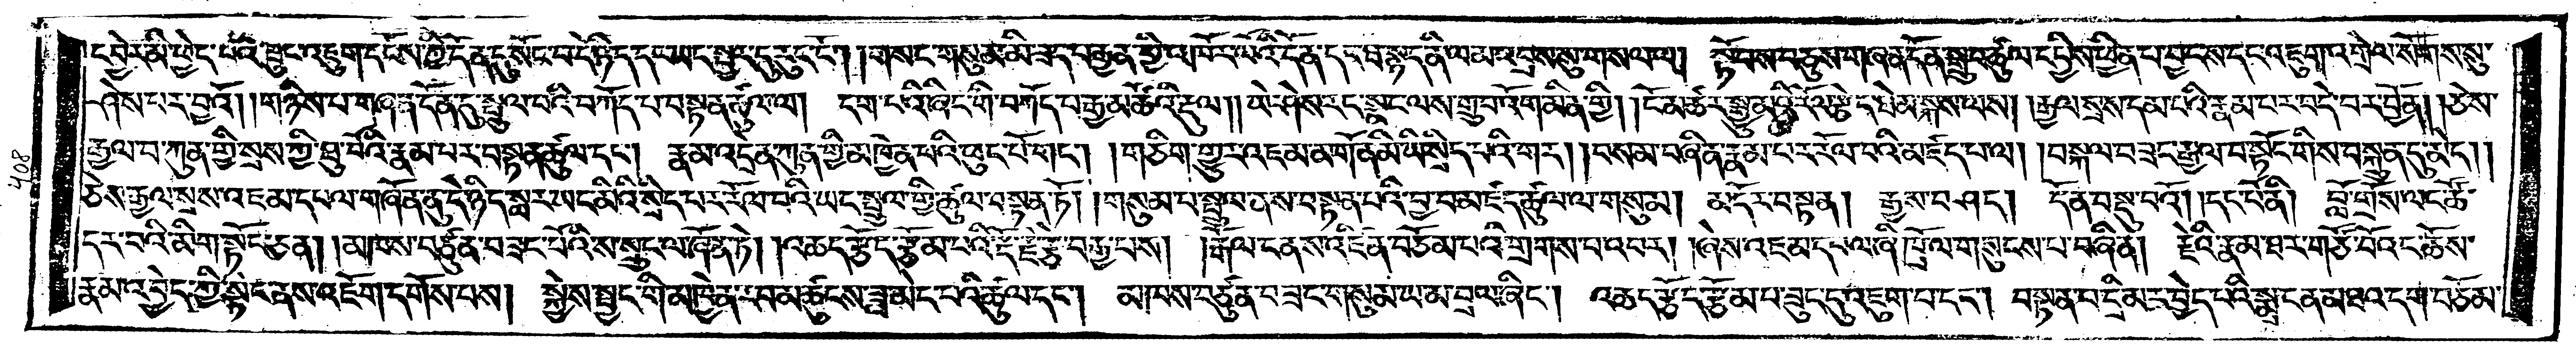དབྱེར་མི་ཕྱེད་པའི་ཟུང་འཇུག་དངོས་ཀྱི་དོན་དུ་སོང་བ་དེ་ཉིད་དང་ཡང་སྦྱར་དུ་རུང་ངོ། །གསང་གསུམ་མི་ཟད་པ་རྒྱན་གྱི་འཁོར་ལོའི་དོན་དང་ཐ་སྙད་ནི་ལམ་འབྲས་སུ་གསལ་ལ། སྟོབས་བཅུས་གཞན་དོན་སྒྲུབ་ཚུལ་དཔྱིས་ཕྱིན་པ་བྱངས་དང་འཇུག་འགྲེལ་སོགས་སུ་
ཤེས་པར་བྱའོ། །གཉིས་པ་གཞན་དོན་དུ་སྤྲུལ་པའི་བཀོད་པ་བསྟན་ཚུལ་ལ། དག་པའི་ཞིང་གི་བཀོད་པ་རྒྱ་མཚོའི་རྡུལ། །ཡེ་ཤེས་རང་སྣང་ལས་གྲུབ་འོག་མིན་གྱི། །ངོ་མཚར་སྒྱུ་མའི་རོལ་རྩེད་ཐེམ་སྐས་ལས། །རྒྱལ་སྲས་དམ་པའི་རྣམ་པར་བདེ་བར་བྱོན། །ཅེས་
རྒྱལ་བ་ཀུན་གྱི་སྲས་ཀྱི་ཐུ་བོའི་རྣམ་པར་བསྟན་ཚུལ་དང་། རྣམ་འདྲེན་ཀུན་གྱི་མཁྱེན་པའི་ཕུང་པོ་གང་། གཅིག་གྱུར་འཇམ་མགོན་མི་ཡི་སྲིད་པའི་གར། །བསམ་བཞིན་རྣམ་པར་རོལ་བའི་མཛད་པ་ལ། །བསྐལ་བཟང་རྒྱལ་བསྟོང་གིས་བསྐྲུན་དུ་མེད།།
ཅེས་རྒྱལ་སྲས་འཇམ་དཔལ་གཞོན་ནུ་དེ་ཉིད་སླར་ཡང་མིའི་སྲིད་པར་རོལ་བའི་ཡང་སྤྲུལ་གྱི་ཚུལ་བསྟན་ཏོ། །གསུམ་པ་སྤྲུལ་ནས་བསྟན་པའི་བྱ་བ་མཛད་ཚུལ་ལ་གསུམ། མདོར་བསྟན། རྒྱས་བཤད། དོན་བསྡུ་བའོ། །དང་པོ་ནི། བློ་གྲོས་ལང་ཚོ་
དར་བའི་མིག་སྟོང་ཅན། །མཁས་བཙུན་བཟང་པོའི་ས་སྲུང་ལ་ཞོན་ཏེ། །འཆད་རྩོད་རྩོམ་པའི་རྡོ་རྗེ་རྩེ་བརྒྱ་པས། །རྒོལ་ངན་ས་འཛིན་བཅོམ་པའི་གྲགས་པ་འབར། །ཞེས་འཇམ་དཔལ་ཞི་ཁྲོ་ལ་གསུངས་པ་བཞིན། རྗེའི་རྣམ་ཐར་གཙོ་བོའང་ཆོས་
རྣམ་འབྱེད་ཀྱི་སྟེང་ནས་འཇོག་དགོས་བས། སྐྱེས་སྦྱང་གི་མཁྱེན་རབ་མཚུངས་ཟླ་མེད་པའི་ཚུལ་དང་། མཁས་བཙུན་བཟང་གསུམ་ཡ་མ་བྲལ་ཞིང་། འཆད་རྩོད་རྩོམ་པ་ཟུང་དུ་འཇུག་པ་དང་། བསྟན་པ་དྲི་མར་བྱེད་པའི་སྨྲ་ངན་མཐའ་དག་བཅོམ་